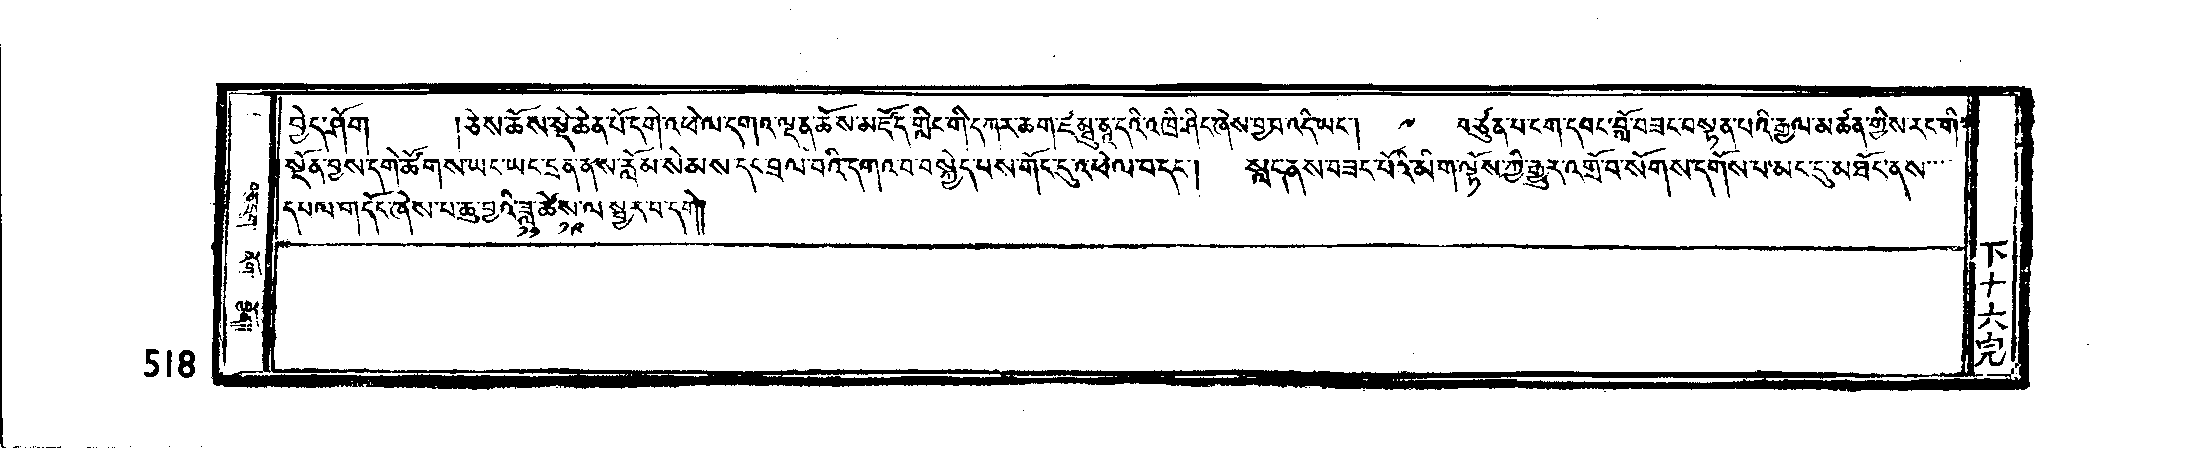བྱེད་ཤོག །ཅེས་ཆོས་སྡེ་ཆེན་པོ་དགེ་འཕེལ་དགའ་ལྡན་ཆོས་མཛོད་གླིང་གི་དཀར་ཆག་ཛམྦུ་ནཱ་དའི་འཁྲི་ཤིང་ཞེས་བྱ་བ་འདི་ཡང་། ༧་བཙུན་པ་ངག་དབང་བློ་བཟང་བསྟན་པའི་རྒྱལ་མཚན་གྱིས་རང་གི་
སྔོན་བྱས་དགེ་ཚོགས་ཡང་ཡང་དྲན་ནས་རློམ་སེམས་དང་བྲལ་བའི་དགའ་བ་བསྐྱེད་པས་གོང་དུ་འཕེལ་བ་དང་། སླད་ནས་བཟང་པོའི་མིག་ལྟོས་ཀྱི་རྒྱུར་འགྲོ་བ་སོགས་དགོས་པ་མང་དུ་མཐོང་ནས་
དཔལ་གདོང་ཞེས་པ་ཆུ་བྱའི་ཟླ ༡༡་ཚེས ༡༩་ལ་སྦྱར་བ་དགེ །